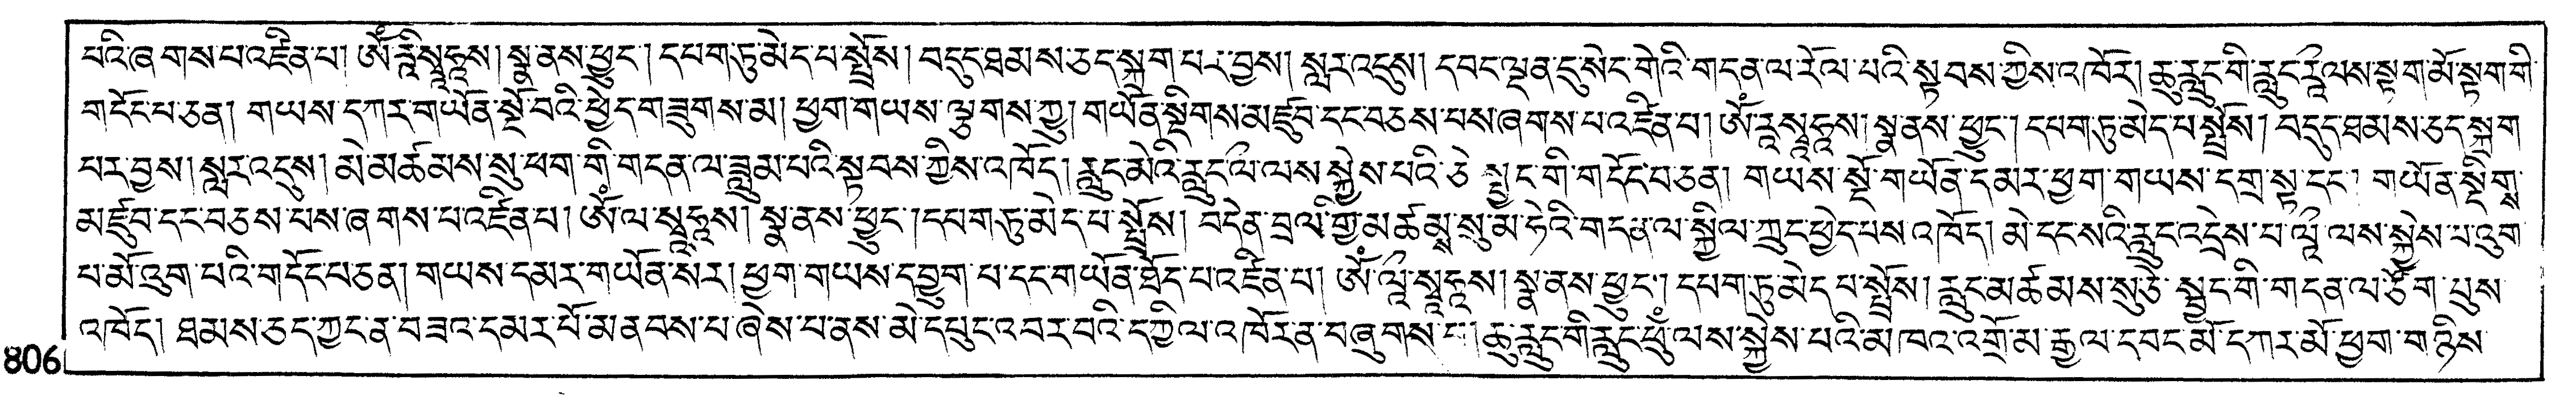པའི་ཞགས་པ་འཛིན་པ། ཨོཾ་རཱི་སྭཱཧཱས། སྣ་ནས་ཕྱུང་། དཔག་ཏུ་མེད་པ་སྤྲོས། བདུད་ཐམས་ཅད་སྐྲག་པར་བྱས། སླར་འདུས། དབང་ལྡན་དུ་སེང་གེའི་གདན་ལ་རོལ་པའི་སྟབས་ཀྱིས་འཁོར། ཆུ་རླུང་གི་རླུང་རཱྀ་ལས་སྟག་མོ་སྟག་གི་
གདོང་པ་ཅན། གཡས་དཀར་གཡོན་སྔོ་བའི་ཕྱེད་གཟུགས་མ། ཕྱག་གཡས་ལྕགས་ཀྱུ། གཡོན་སྡིགས་མཛུབ་དང་བཅས་པས་ཞགས་པ་འཛིན་པ། ཨོཾ་རཱ་སྭཱཧཱས། སྣ་ནས་ཕྱུང་། དཔག་ཏུ་མེད་པ་སྤྲོས། བདུད་ཐམས་ཅད་སྐྲག་
པར་བྱས། སླར་འདུས། མེ་མཚམས་སུ་ཕག་གི་གདན་ལ་ཟླུམ་པའི་སྟབས་ཀྱིས་འཁོད། རླུང་མེའི་རླུང་ལྀ་ལས་སྐྱེས་པའི་ཅེ་སྤྱང་གི་གདོང་པ་ཅན། གཡས་སྔོ་གཡོན་དམར་ཕྱག་གཡས་དགྲ་སྟ་དང་། གཡོན་སྡིགས་
མཛུབ་དང་བཅས་པས་ཞགས་པ་འཛིན་པ། ཨོཾ་ལ་སྭཱཧཱས། སྣ་ནས་ཕྱུང་། དཔག་ཏུ་མེད་པ་སྤྲོས། བདེན་བྲལ་གྱི་མཚམས་སུ་མ་ཧེའི་གདན་ལ་སྐྱིལ་ཀྲུང་ཕྱེད་པས་འཁོད། མེ་དང་སའི་རླུང་འདྲེས་པ་ལཱྀ་ལས་སྐྱེས་པ་འུག་
པ་མོ་འུག་པའི་གདོང་པ་ཅན། གཡས་དམར་གཡོན་སར། ཕྱག་གཡས་དབྱུག་པ་དང་གཡོན་ཐོད་པ་འཛིན་པ། ཨོཾ་ལཱྀ་སྭཱཧཱས། སྣ་ནས་ཕྱུང་། དཔག་ཏུ་མེད་པ་སྤྲོས། རླུང་མཚམས་སུ་ཅེ་སྦྱང་གི་གདན་ལ་ཙོག་པུས་
འཁོད། ཐམས་ཅད་ཀྱང་ན་བཟའ་དམར་པོ་མནབས་པ་ཞེས་པ་ནས་མེ་དཔུང་འབར་བའི་དཀྱིལ་འཁོར་ན་བཞུགས་པ། ཆུ་རླུང་གི་རླུང་ཕུཾ་ལས་སྐྱེས་པའི་མཁའ་འགྲོ་མ་རྒྱལ་དབང་མོ་དཀར་མོ་ཕྱག་གཉིས་